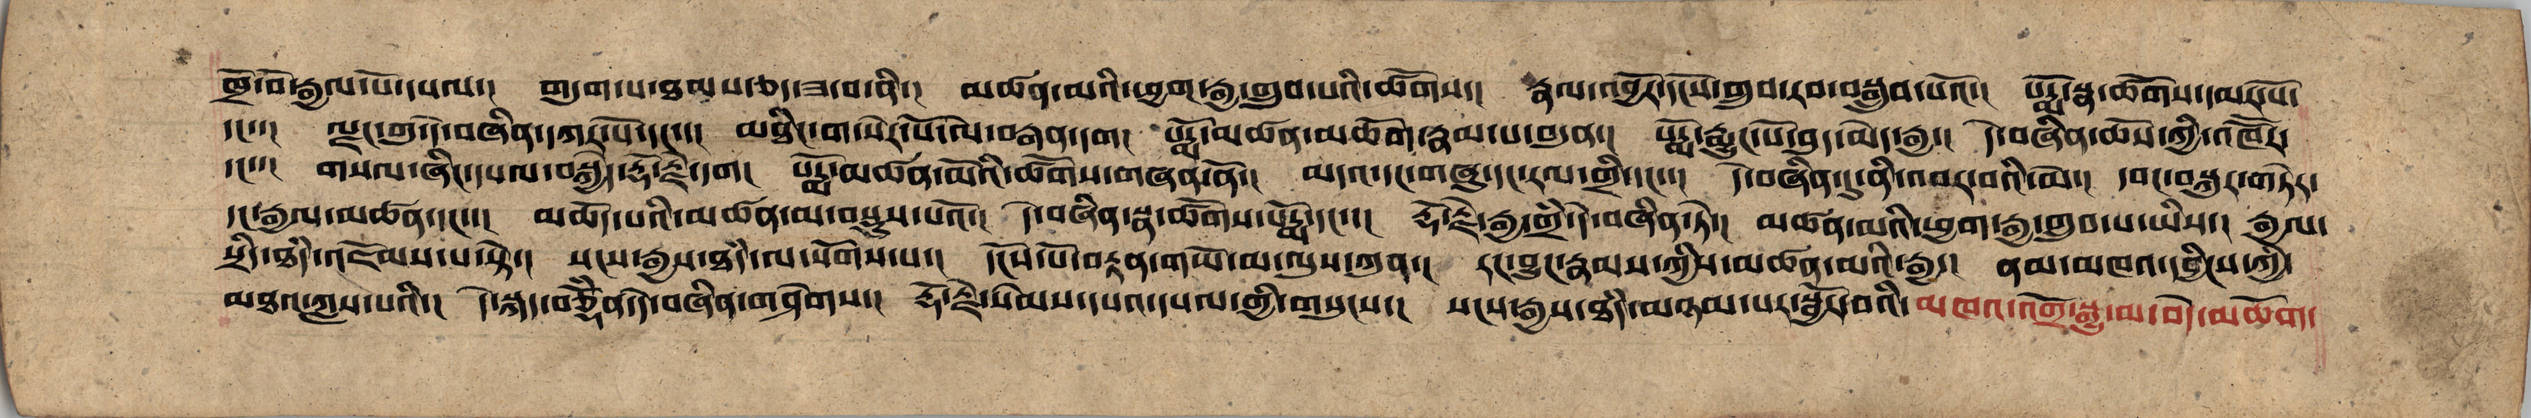ཁྲོ་བོ་རྒྱལ་པོ་དཔལ་། གདུག་པ་ཐམས་ཅད་ཟ་བ་ནི་། མཚན་མའི་ཕྱག་རྒྱ་གྲུབ་པའི་ཚོགས་། རྣལ་འབྱོར་དངོས་གྲུབ་རབ་བསྒྲུབ་པའོ་། པདྨོ་སྣ་ཚོགས་དམར་པོ་
དང་་། ལྗང་གུ་དེ་བཞིན་དཀར་པོ་དང་་། མཐིང་ག་སེར་པོ་ལེ་བརྒན་དག། པདྨོ་མཚན་མཆོག་རྣམ་པ་བདུན་། པདྨོ་རྨྱུང་པོ་བུད་མེད་རྒྱ་། དེ་བཞིན་ཆོས་ཀྱི་འཁཽར་
དང་་། གསལ་ཞིང་དཔལ་བསྐྱེད་རྡོ་རྗེ་དག། པདྨོ་མཚན་མོའི་ཚོགས་གཞན་ནོ་། མདའ་དང་གཞུ་དང་རལ་གྲི་དང་་། དེ་བཞིན་དུ་ནི་འབར་བའི་མེ་། དབང་བསྐུར་གཏེར་
དང་རྒྱལ་མཚན་དང་་། མཆོད་པའི་མཚན་མ་བསྡུས་པའོ་། དེ་བཞིན་སྣ་ཚོགས་པདྨོ་དང་་། རྡོ་རྗེ་རྒྱ་གྲཾ་དེ་བཞིན་ཏེ་། མཚན་མའི་ཕྱག་རྒྱ་གྲུབ་པ་ཡིས་། རྒྱལ་
སྲིད་ཐཾད་འཇོམས་པ་སྟེ་། སངས་རྒྱས་ཐཾད་ལ་སོགས་པ་། དངོས་པོ་བརྟན་གཡོ་མ་ལུས་ཀུན་། རང་བྱུང་རྣམས་ཀྱིས་མཚན་མའི་རྒྱ་། ནམ་མཁའ་དབྱིངས་ཀྱི་
མཐའ་ཀླས་པའི་། དེ་སྐད་བཅྡོཾན་དེ་བཞིན་གཤེགས་། རྡོ་རྗེ་སེམས་དཔའ་དཔལ་གྱི་གསུངས་། སངས་རྒྱས་ཐཾད་མཉམ་པར་སྦྱོར་བའི་མཁའ་འགྲོ་སྒྱུ་མ་བདེ་མཆོག་